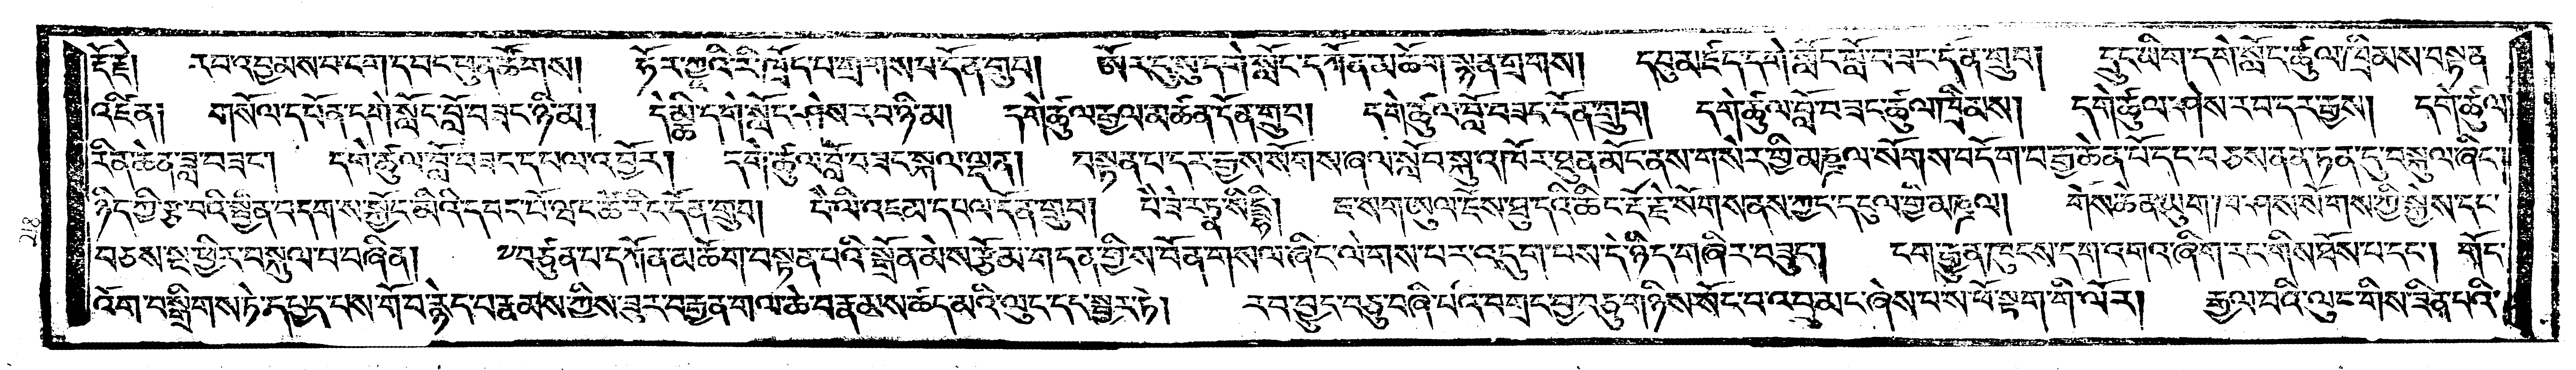རྡོ་རྗེ། རབ་འབྱམས་པ་ངག་དབང་ཕུན་ཚོགས། ཧོར་ཀྱཱའི་རི་ཁྲོད་པ་གྲགས་པ་དོན་གྲུབ། ཨོར་དུ་སུ་དགེ་སློང་དཀོན་མཆོག་སྙན་གྲགས། དབུ་མཛད་དགེ་སློང་བློ་བཟང་དོན་གྲུབ། དྲུང་ཡིག་དགེ་སློང་ཚུལ་ཁྲིམས་བསྟན་
འཛིན། གསོལ་དཔོན་དགེ་སློང་བློ་བཟང་ཉི་མ། དེ་མཆི་དགེ་སློང་ཤེས་རབ་ཉི་མ། དགེ་ཚུལ་རྒྱལ་མཚན་དོན་གྲུབ། དགེ་ཚུལ་བློ་བཟང་དོན་གྲུབ། དགེ་ཚུལ་བློ་བཟང་ཚུལ་ཁྲིམས། དགེ་ཚུལ་ཤེས་རབ་དར་རྒྱས། དགེ་ཚུལ་
རིན་ཆེན་ཟླ་བཟང་། དགེ་ཚུལ་བློ་བཟང་དཔལ་འབྱོར། དགེ་ཚུལ་བློ་བཟང་སྐལ་ལྡན། བསྟན་པ་དར་རྒྱས་སོགས་ཞལ་སློབ་སྐུ་འཁོར་ཐུན་མོང་ནས་གསེར་གྱི་མཎྜལ་སོགས་བདོག་པ་རྒྱ་ཆེན་པོ་དང་བཅས་ནན་ཏན་དུ་བསྐུལ་ཞིང་།
ཉིད་ཀྱི་རྩ་བའི་སྦྱིན་བདག་ས་སྐྱོང་མིའི་དབང་པོ་ཝང་ཚེ་རིང་དོན་གྲུབ། པཻ་ལི་འཇམ་དཔལ་དོན་གྲུབ། པཻ་ཟེ་རཏྣ་སིདྡྷི། ཇ་སག་ཨུ་ལ་ཇོས་ཐུ་དའི་ཆིང་རྡོ་རྗེ་སོགས་ནས་ཀྱང་དངུལ་གྱི་མཎྜལ། གོས་ཆེན་ཡུག་ཁ་ཤས་སོགས་ཀྱི་སྐྱེས་དང་
བཅས་སྔ་ཕྱིར་བསྐུལ་བ་བཞིན། ༧བཙུན་པ་དཀོན་མཆོག་བསྟན་པའི་སྒྲོན་མེས་རྩོམ་གདན་གྱི་ས་བོན་གསལ་ཞིང་ལེགས་པར་འདུག་པས་དེ་ཉིད་གཞིར་བཟུང་། ངག་རྒྱུན་ཁུངས་དག་འགའ་ཞིག་རང་གིས་ཐོས་པ་དང་། གོང་
འོག་བསྒྲིགས་ཏེ་དཔྱད་པས་གོ་བརྙེད་པ་རྣམས་ཀྱིས་ཟུར་བརྒྱན་གལ་ཆེ་བ་རྣམས་ཚད་མའི་ལུང་དང་སྦྱར་ཏེ། རབ་བྱུང་བཅུ་བཞི་པའི་བགྲང་བྱ་བཅུ་གཉིས་སོང་བ་འབྲུ་མང་ཞེས་པས་ཕོ་སྟག་གི་ལོར། རྒྱལ་བའི་ལུང་གིས་ཟིན་པའི་